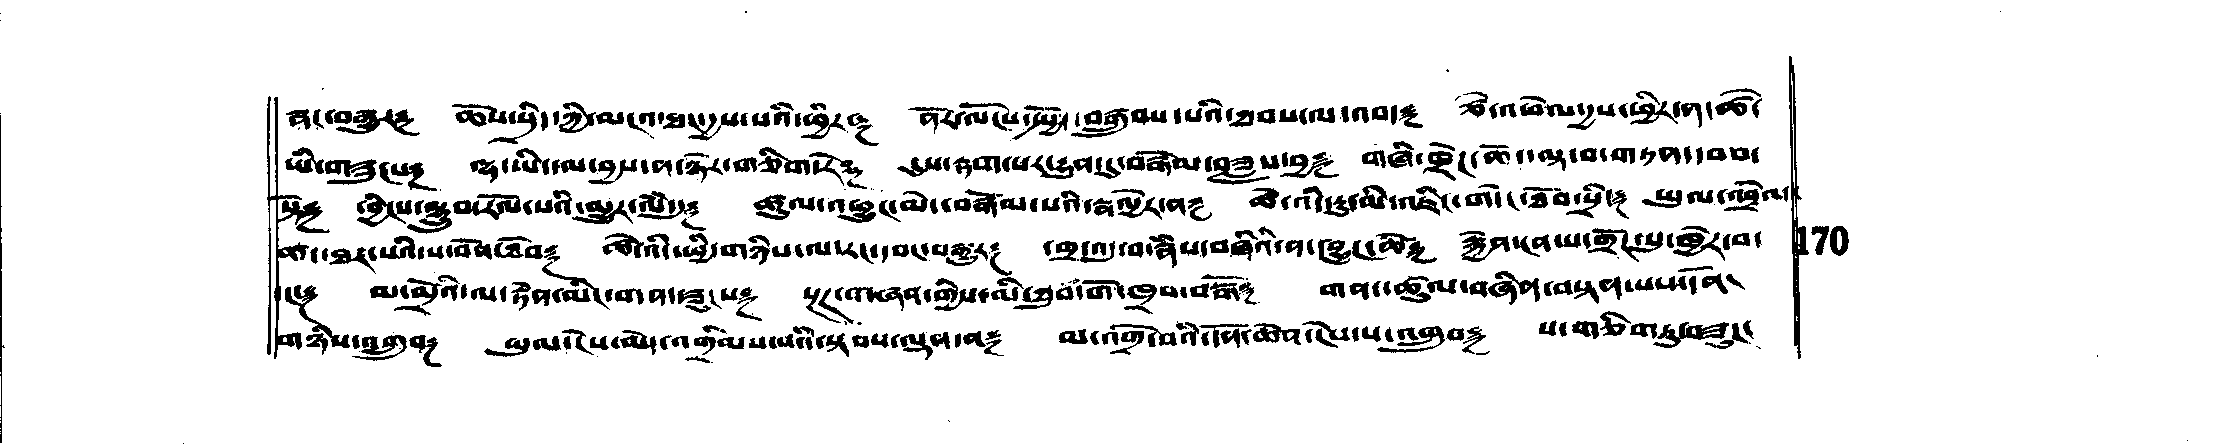སྣང་བསྒྱུར། །ཆོས་སྲིད་ཀྱི་མངའ་ཐང་རྒྱས་པའི་ཕྱིར། །ནོར་ལོངས་སྤྱོད་བསྒྲུབ་པའི་ཐབས་ལ་འབད། །ཚེ་འཕེལ་རྒྱས་ཕྱིར་ན་ཚེ་
ཡི་གཟུངས། །ལྷ་ཡིད་ལ་བྱས་ན་ཉེར་གཅིག་རེ། །དུས་རྟག་པར་རྒྱུན་དུ་བསྒོམ་བཟླས་བྱ། །གཞི་ཁྲེགས་ཆོད་ལྟ་བ་གཏན་དབབ་
སྟེ། །དབྱིངས་ལྷུན་གྲུབ་རོལ་པའི་མྱུར་ལམ་དུ། །ཚུལ་འཕྱུགས་མེད་བསྒོམ་པའི་རྣལ་འབྱོར་ན། །ཚེ་འདི་རུ་མི་འཇིགས་གདེང་ཐོབ་སྲིད། །ཡུལ་འབྲེལ་
ཚད་ཐར་པའི་ས་བོན་ཐེབ། །ཚེ་འདི་ཕྱི་གཉིས་ལ་རང་དབང་བསྒྱུར། །དགྲ་འདུ་བ་རྣམ་བཞིའི་ནད་བྱུང་ཚེ། །རྐྱེན་ངན་པ་གྲོགས་སུ་ཁྱེར་བ་
དང་། །མ་མཁའ་འགྲོའི་ལ་རྟེན་མིང་གནད་ཟུངས། །སྔགས་གཞན་གྱིས་མི་ཐུབ་གོ་ཁྲབ་བགོ། །གནད་ཚུལ་བཞིན་བསྟན་པས་དོན་
གཉིས་འགྲུབ། །ཡུལ་ངེས་མེད་འགྲིམས་པའི་སྟོབས་ལྡན་ན། །མ་འགྲོ་བའི་དོན་ཆེན་ངེས་པ་འགྲུབ། །ས་གཅིག་ཏུ་བཟུང་